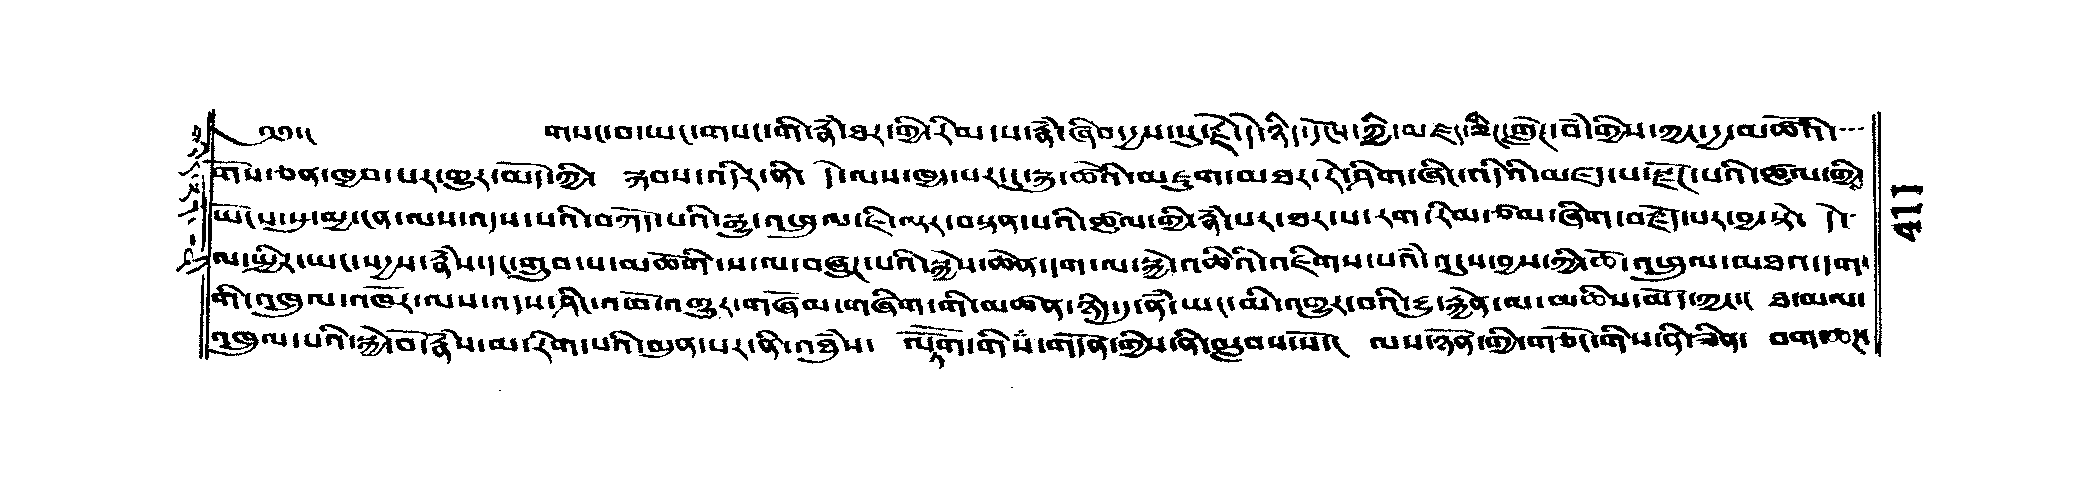གསང་བ་ཡང་གསང་གི་རྣམས་ཐར་གྱི་རིམ་པ་རྣམ་ཞིབ་རྒྱས་སུ་རྗེ་དེ་ཉིད་དངོས་ཀྱིས་མཛད་ཅིང་གླེགས་བམ་གྱིས་ཀྱང་རྒྱ་མཚོའི་
གོས་ཅན་ཁྱབ་པར་གྱུར་མོད་ཀྱི། སྐབས་འདིར་ནི། དེ་ལས་ཁྱད་པར་དུ་སྐུ་ཚེའི་མཇུག་མཐར་རེ་ཞིག་ཞིང་འདིའི་མཛད་པ་རྫོགས་པའི་ཚུལ་གྱིས་
ཡོངས་སུ་མྱ་ངན་ལས་འདས་པའི་བཀོད་པའི་སྒྱུ་འཕྲུལ་ཇི་ལྟར་བསྟན་པའི་ཚུལ་གྱི་རྣམ་པར་ཐར་པ་རགས་རིམ་ཙམ་ཞིག་བརྗོད་པར་བྱ་སྟེ། དེ་
ལ་སྤྱིར་ཡང་སངས་རྒྱས་རྣམས་དང་གྲུབ་པ་མཆོག་གི་ས་ལ་བཞུགས་པའི་སྐྱེས་ཆེན་དག་ལ་སྐྱེ་འཆིའི་འཇིགས་པའམ་འདུས་བྱས་ཀྱི་ཆོ་འཕྲུལ་མཐའ་དག་
གི་འཁྲུལ་འཁོར་ལས་འདས་ཤིང་འཕོ་འགྱུར་གཞོམ་གཞིག་གི་མཚན་ཉིད་དུ་ནམ་ཡང་མི་འགྱུར་བའི་རྒྱུ་རྐྱེན་མ་མཆིས་མོད་ཀྱང་། ཐ་མལ་
འཁྲུལ་པའི་སྐྱེ་བོ་རྣམས་མ་རིག་པའི་མུན་པར་ནི་འཐུམས། ལོག་རྟོག་གི་གདོན་གྱིས་ནི་བརླམས། ལས་ཉོན་གྱི་གཅོང་གིས་ནི་ཟིན། བག་ཆགས་